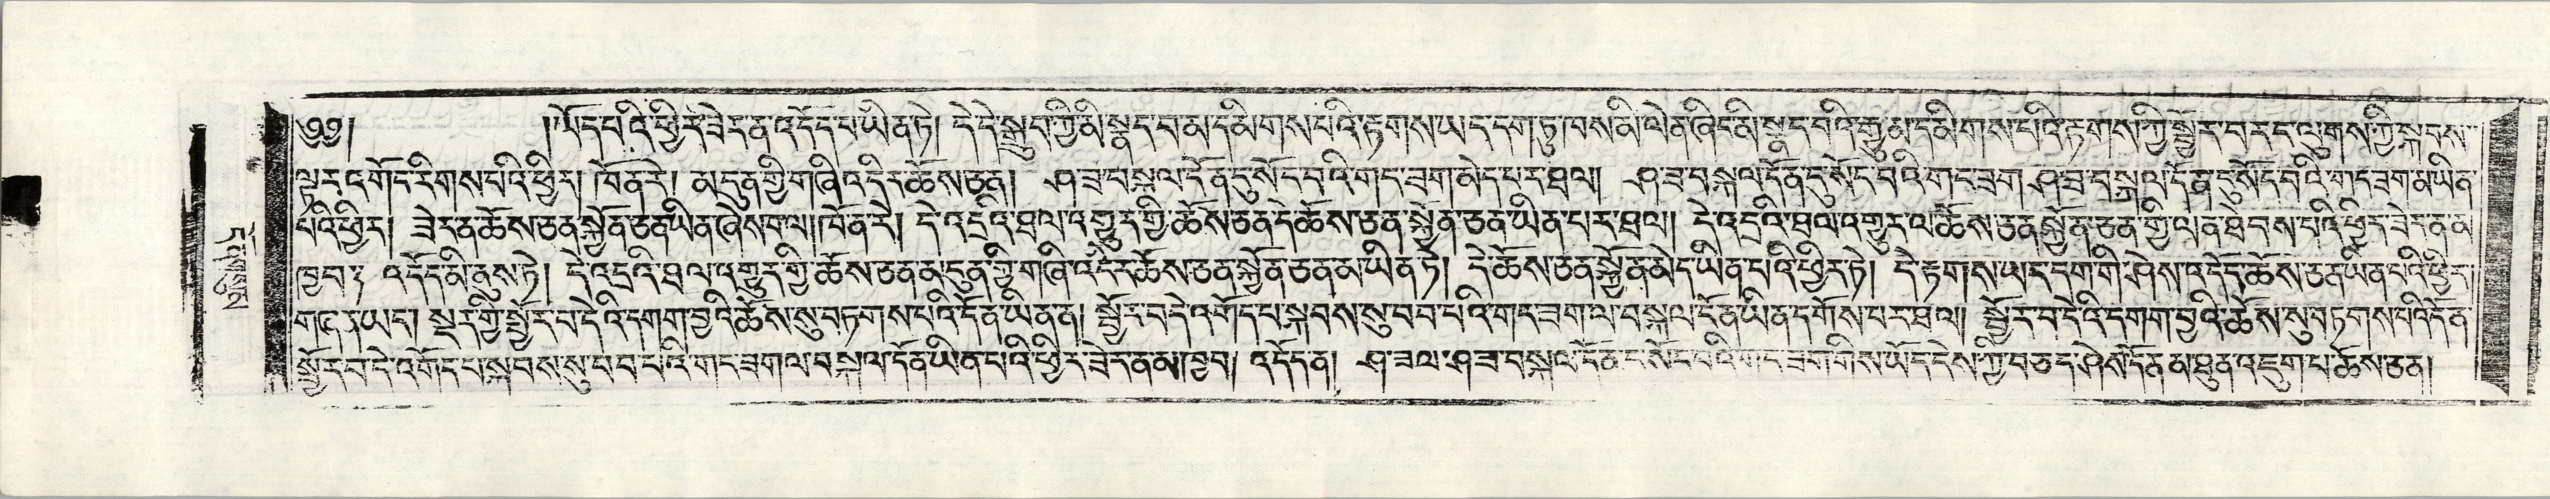༄༅། །ཡོད་པའི་ཕྱིར་ཟེར་ན། འདོད་པ་ཡིན་ཏེ། དེ་དེ་སྒྲུབ་ཀྱི་མི་སྣང་བ་མ་དམིགས་པའི་རྟགས་ཡང་དག་ཏུ་ཁས་མི་ལེན་ཞིང་མི་སྣང་བའི་རྒྱུ་མ་དམིགས་པའི་རྟགས་ཀྱི་སྦྱོར་བ་རང་ལུགས་ཀྱི་སྐབས་
ལྟར་འགོད་རིགས་པའི་ཕྱིར། ཁོ་ན་རེ། མདུན་གྱི་གཞི་འདིར་ཆོས་ཅན། ཤ་ཟ་བསྐལ་དོན་དུ་སོང་བའི་གང་ཟག་མེད་པར་ཐལ། ཤ་ཟ་བསྐལ་དོན་དུ་སོང་བའི་གང་ཟག་ཤ་ཟ་བསྐལ་དོན་དུ་སོང་བའི་གང་ཟག་མ་ཡིན་
པའི་ཕྱིར། ཟེར་ན་ཆོས་ཅན་སྐྱོན་ཅན་ཡིན་ཞེས་པ་ལ། ཁོ་ན་རེ། དེ་འདྲའི་ཐལ་འགྱུར་གྱི་ཆོས་ཅན་དེ་ཆོས་ཅན་སྐྱོན་ཅན་ཡིན་པར་ཐལ། དེ་འདྲའི་ཐལ་འགྱུར་ལ་ཆོས་ཅན་སྐྱོན་ཅན་གྱི་ལན་ཐེབས་པའི་ཕྱིར་ཟེར་ན་མ་
ཁྱབ། འདོད་མི་ནུས་ཏེ། དེ་འདྲའི་ཐལ་འགྱུར་གྱི་ཆོས་ཅན་མདུན་གྱི་གཞི་འདིར་ཆོས་ཅན་སྐྱོན་ཅན་མ་ཡིན་ཏེ། དེ་ཆོས་ཅན་སྐྱོན་མེད་ཡིན་པའི་ཕྱིར་ཏེ། དེ་རྟགས་ཡང་དག་གི་ཤེས་འདོད་ཆོས་ཅན་ཡིན་པའི་ཕྱིར།
གཞན་ཡང་། སྔར་གྱི་སྦྱོར་བ་དེའི་དགག་བྱའི་ཆོས་སུ་བཏགས་པའི་དོན་ཡིན་ན། སྦྱོར་བ་དེ་འགོད་པ་སྐབས་སུ་བབ་པའི་གང་ཟག་ལ་བསྐལ་དོན་ཡིན་དགོས་པར་ཐལ། སྦྱོར་བ་དེའི་དགག་བྱའི་ཆོས་སུ་བཏགས་པའི་དོན་
སྦྱོར་བ་དེ་འགོད་པ་སྐབས་སུ་བབ་པའི་གང་ཟག་ལ་བསྐལ་དོན་ཡིན་པའི་ཕྱིར་ཟེར་ན་མ་ཁྱབ། འདོད་ན། ཤ་ཟ་ལ་ཤ་ཟ་བསྐལ་དོན་དུ་སོང་བའི་གང་ཟག་གིས་ཡོད་ངེས་ཀྱི་བཅད་ཤེས་དོན་མཐུན་འཇུག་པ་ཆོས་ཅན།